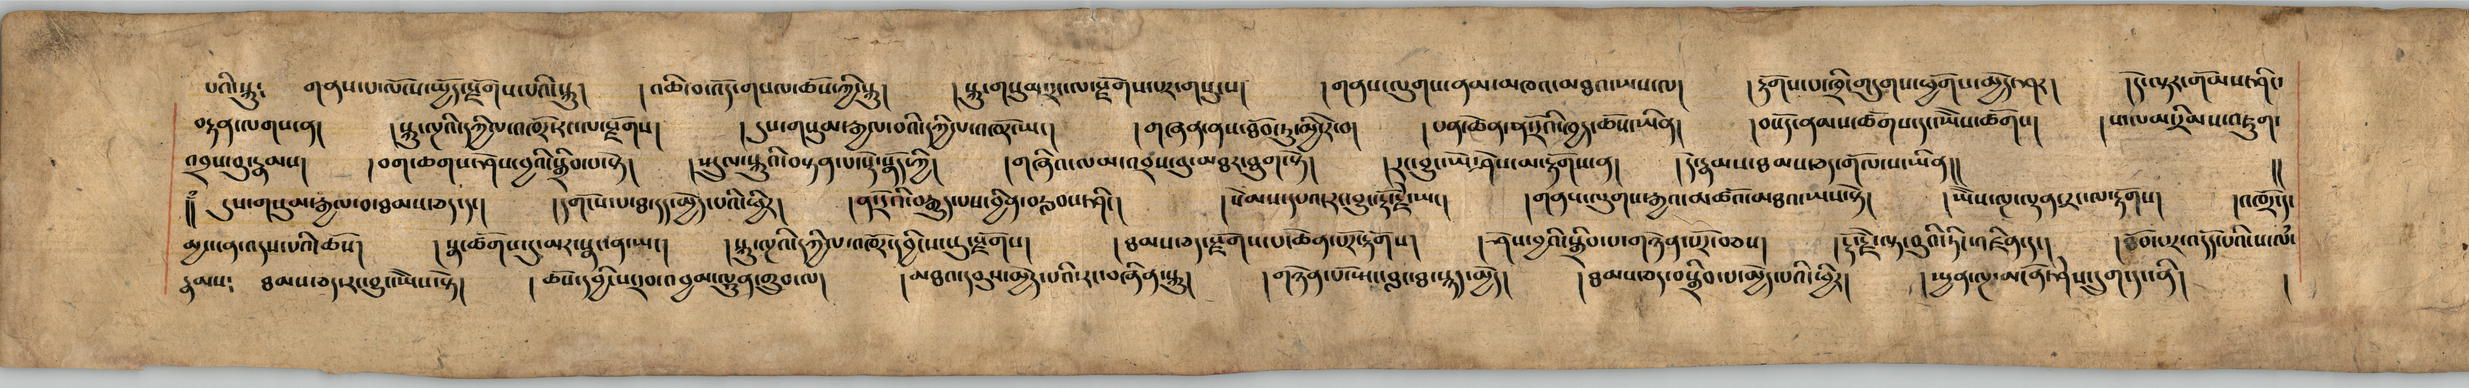པའི་སྐུ༴ གནས་པ་ལོངས་སྤྱོད་སྫོགས་པའི་སྐུ། །འཆི་བ་འོད་གསལ་ཆོས་ཀྱི་སྐུ། །སྐུ་གསུམ་དྲང་ལ་སྫོགས་པར་གསུངས། །གནས་ལུགས་ནམ་མཀའ་མཐའ་ཡས་ལ། །རྟོགས་པ་ཁྲི་གདུགས་ཕྱོགས་མྱེད་ཤར། །དེ་ལྟར་གོམས་ཤིང་
བརྟན་ལགས་ན། །སྐུ་ལྔའི་དཀྱིལ་འཁོར་རང་ལ་སྫོགས། །དུས་གསུམ་རྒྱལ་བའི་དཀྱིལ་འཁོར་ཡང། །གཞན་ནས་ཐོབ་ཏུ་མྱི་རེ་བ། །པན་ཆེན་ན་རོའི་ཁྱད་ཆོས་ཡིན། །བསོད་ནམས་ཚོགས་དང་ཡཻ་ཚོགས། །ས་ལམ་དྲི་མས་འཇུག་
འབྲས་བུ་རྣམས། །བག་ཆགས་ཤེས་བྱའི་སྒྲིབ་པ་སྟེ། །སྤྲུལ་སྐུའི་བསྟན་པ་སྡེ་སྣོད་ཀྱི། །གཞིའ་ལམ་འབྲས་བུ་མཐར་ཐུག་སྟེ། །རང་བྱུང་ཡེ་ཤེས་མ་རྟོགས་ན། །དེ་རྣམས་ཐམས་ཅད་གོལ་ས་ཡིན།།
།། དུས་གསུམ་རྒཡལ་བ་ཐམས་ཅད་དང། །དགོངས་པ་ཐ་དད་མྱེད་པའི་ཕྱིར། །ན་རོའི་བརྒྱུད་པས་བྱིན་བརླབས་ཤིང། །སེམས་དཔའ་རང་བྱུང་རྡོ་རྗེ་ཡང། །གནས་ལུགས་རྒྱའ་མཚོའ་མཐའ་ཡས་སྟེ། །ཡཻ་ལྔ་ལྡན་རང་ལ་རྟོགས། །འཁོར་དང
མྱང་ན་འདས་པའི་ཆོས། །སྣ་ཚོགས་དུ་མར་སྣང་ན་ཡང། །སྐུ་ལྔའི་དཀྱིལ་འཁོར་དབྱིངས་སུ་སྫོགས། །ཐམས་ཅད་སྫོགས་པ་ཆེན་པོར་རྟོགས། །ཤེས་བྱའི་སྒྲིབ་པ་གཉེན་པོར་བཅས། །རྡོ་རྗེ་ལྟ་བུའི་ཏིང་འཛིན་དང། །ཐོབ་པར་འདོད་པའི་ས་ལཾ་
རྣམས༴ ཐམས་ཅད་རང་བྱུང་ཡཻ་སྟེ། །ཆོས་དབྱིངས་རབ་འབྱམ་ལྷུན་གྲུབ་ལ། །མཐའ་དབུས་མྱེད་པའི་རང་བཞིན་སྐུ། །གཉེན་པོ་སྤང་བླང་ཐ་སྙད་མྱེད། །ཐམས་ཅད་བསྒྲིབ་པ་མྱེད་པའི་ཕྱིར། །སྤྱན་ལྔ་མངོན་ཤེས་དྲུག་དང་ནི།